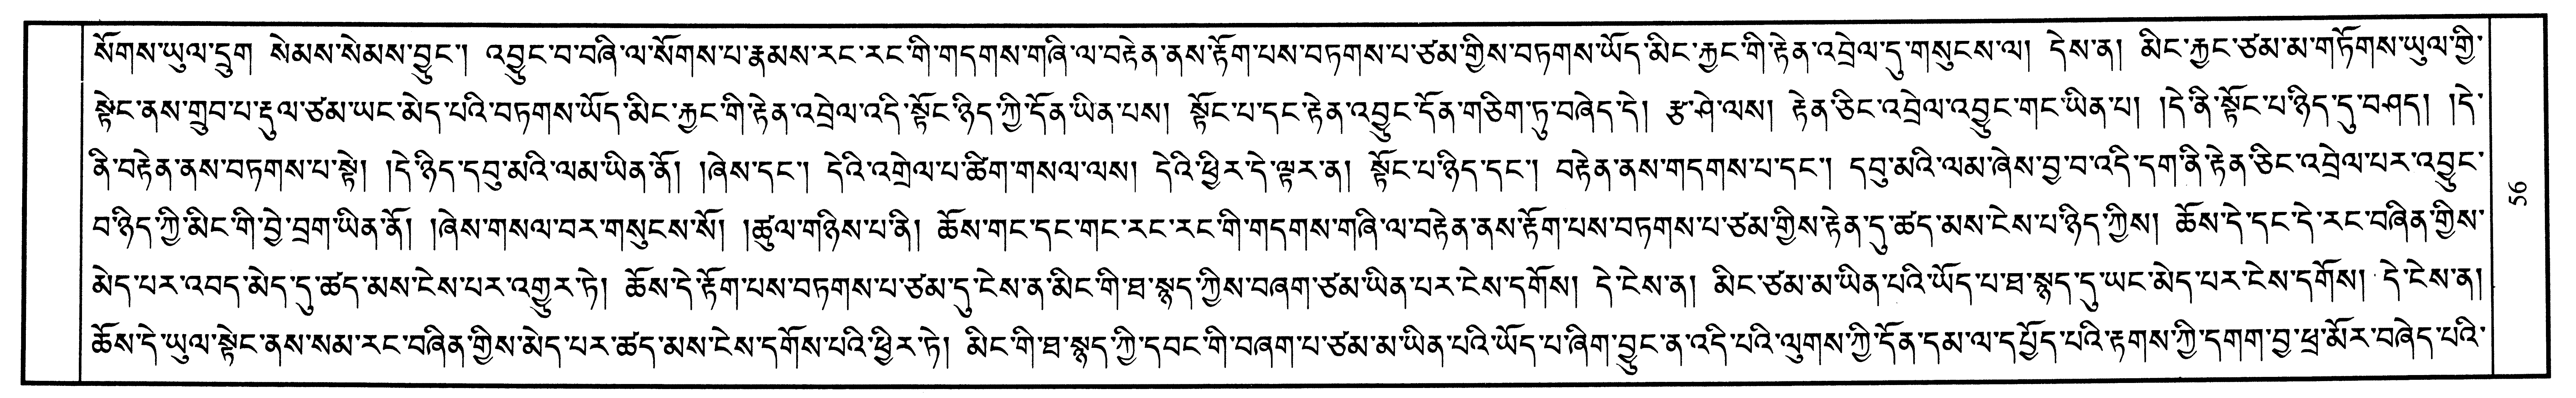སོགས་ཡུལ་དྲུག་སེམས་སེམས་བྱུང་། འབྱུང་བ་བཞི་ལ་སོགས་པ་རྣམས་རང་རང་གི་གདགས་གཞི་ལ་བརྟེན་ནས་རྟོག་པས་བཏགས་པ་ཙམ་གྱིས་བཏགས་ཡོད་མིང་རྐྱང་གི་རྟེན་འབྲེལ་དུ་གསུངས་ལ། དེས་ན། མིང་རྐྱང་ཙམ་མ་གཏོགས་ཡུལ་གྱི་
སྟེང་ནས་གྲུབ་པ་རྡུལ་ཙམ་ཡང་མེད་པའི་བཏགས་ཡོད་མིང་རྐྱང་གི་རྟེན་འབྲེལ་འདི་སྟོང་ཉིད་ཀྱི་དོན་ཡིན་པས། སྟོང་པ་དང་བརྟེན་འབྱུང་དོན་གཅིག་ཏུ་བཞེད་དེ། རྩ་ཤེ་ལས། རྟེན་ཅིང་འབྲེལ་འབྱུང་གང་ཡིན་པ། །དེ་ནི་སྟོང་པ་ཉིད་དུ་བཤད། །དེ་
ནི་བརྟེན་ནས་བཏགས་པ་སྟེ། །དེ་ཉིད་དབུ་མའི་ལམ་ཡིན་ནོ། །ཞེས་དང་། དེའི་འགྲེལ་པ་ཚིག་གསལ་ལས། དེའི་ཕྱིར་དེ་ལྟར་ན། སྟོང་པ་ཉིད་དང་། བརྟེན་ནས་གདགས་པ་དང་། དབུ་མའི་ལམ་ཞེས་བྱ་བ་འདི་དག་ནི་རྟེན་ཅིང་འབྲེལ་པར་འབྱུང་
བ་ཉིད་ཀྱི་མིང་གི་བྱེ་བྲག་ཡིན་ནོ། །ཞེས་གསལ་བར་གསུངས་སོ། །ཚུལ་གཉིས་པ་ནི། ཆོས་གང་དང་གང་རང་རང་གི་གདགས་གཞི་ལ་བརྟེན་ནས་རྟོག་པས་བཏགས་པ་ཙམ་གྱིས་རྟེན་དུ་ཚད་མས་ངེས་པ་ཉིད་ཀྱིས། ཆོས་དེ་དང་དེ་རང་བཞིན་གྱིས་
མེད་པར་འབད་མེད་དུ་ཚད་མས་ངེས་པར་འགྱུར་ཏེ། ཆོས་དེ་རྟོག་པས་བཏགས་པ་ཙམ་དུ་ངེས་ན་མིང་གི་ཐ་སྙད་ཀྱིས་བཞག་ཙམ་ཡིན་པར་ངེས་དགོས། དེ་ངེས་ན། མིང་ཙམ་མ་ཡིན་པའི་ཡོད་པ་ཐ་སྙད་དུ་ཡང་མེད་པར་ངེས་དགོས། དེ་ངེས་ན།
ཆོས་དེ་ཡུལ་སྟེང་ནས་སམ་རང་བཞིན་གྱིས་མེད་པར་ཚད་མས་ངེས་དགོས་པའི་ཕྱིར་ཏེ། མིང་གི་ཐ་སྙད་ཀྱི་དབང་གི་བཞག་པ་ཙམ་མ་ཡིན་པའི་ཡོད་པ་ཞིག་བྱུང་ན་འདི་པའི་ལུགས་ཀྱི་དོན་དམ་ལ་དཔྱོད་པའི་རྟགས་ཀྱི་དགག་བྱ་ཕྲ་མོར་བཞེད་པའི་